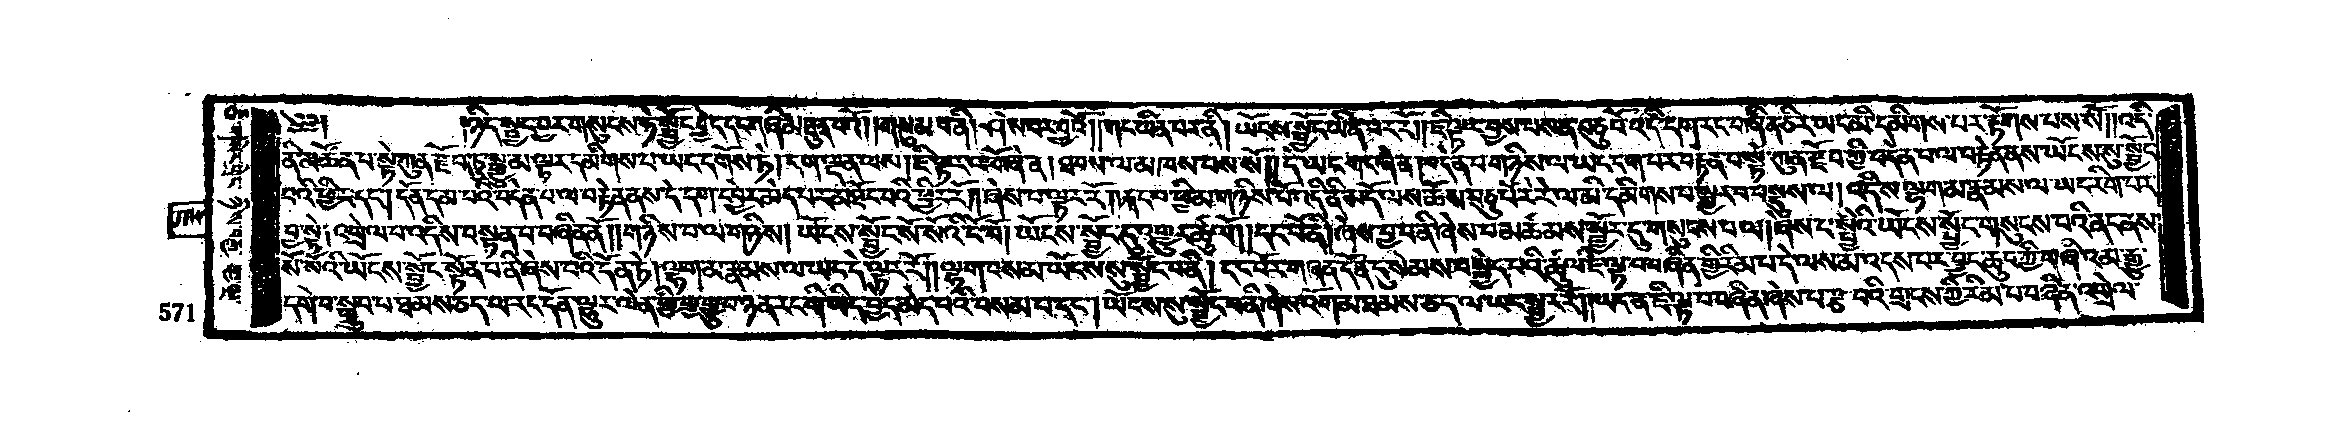༄༅། །ཉིད་སྦྱང་བྱར་གསུངས་ཏེ་སྦྱོང་བྱེད་དང་གཞི་མཐུན་པའི། །གསུམ་པ་ནི། ཤེས་པར་བྱའོ། །གང་ཡིན་པར་ནི། ཡོངས་སྦྱོར་ཡིན་པར་རོ། །ཇི་ལྟར་བྱས་པས་ན་བཅུ་པོ་འདི་དག་རང་བཞིན་ཅིར་ཡང་མི་དམིགས་པར་རྟོགས་པས་སོ། །འདི་
ནི་མཚོན་པ་སྟེ་ཀུན་རྫོབ་ཏུ་སྒྱུ་མ་ལྟར་དམིགས་པ་ཡང་དགོས་ཏེ། དག་ལྡན་ལས། ཇི་ལྟར་འཕོ་ཞེ་ན། ཐབས་ལ་མཁས་པས་སོ། །དེ་ཡང་གང་ཞེ་ན། བདེན་པ་གཉིས་ལ་ཡང་དག་པར་བརྟེན་པ་སྟེ་ཀུན་རྫོབ་ཀྱི་བདེན་པ་ལ་བརྟེན་ནས་ཡོངས་སུ་སྦྱོང་
བའི་ཕྱིར་དང་། དོན་དམ་པའི་བདེན་པ་ལ་བརྟེན་ནས་དེ་དག་དབྱེར་མེད་པར་མཐོང་བའི་ཕྱིར་རོ། །ཞེས་པ་ལྟར་རོ། །རྐང་པ་ཕྱི་མ་གཉིས་པོ་འདི་ནི་མདོ་ལས་ཆོས་བཅུ་པོ་རེ་རེ་ལ་མི་དམིགས་པ་སྦྱར་བ་བསྡུས་ལ། འདི་ས་ལྷག་མ་རྣམས་ལ་ཡང་རིག་པར་
བྱ་སྟེ། འགྲེལ་པ་འདིས་བསྟན་པ་བཞིན་ནོ། །གཉིས་པ་ལ་གཉིས། ཡོངས་སྦྱོང་སོ་སོའི་ངོ་བོ། ཡོངས་སྦྱོང་དུ་འགྱུར་ཚུལ་ལོ། །དང་པོ་ནི། ཞེས་བྱ་བ་ནི་ཞེས་པ་མཚམས་སྦྱོར་དུ་གསུངས་པ་ལ། ཞེས་པ་སྤྱིའི་ཡོངས་སྦྱོང་གསུངས་པའི་ནང་ནས་
སོ་སོའི་ཡོངས་སྦྱོང་སྟོན་པ་ནི་ཞེས་པའི་དོན་ཏེ། ལྷག་མ་རྣམས་ལ་ཡང་དེ་ལྟར་རོ། །ལྷག་བསམ་ཡོངས་སུ་སྦྱོང་བ་ནི། དང་པོར་གཞན་དོན་དུ་སེམས་བསྐྱེད་པའི་ཚུལ་ཇི་ལྟ་བ་བཞིན་གྱི་རིམ་པ་དེ་ལས་མ་འདས་པར་བྱང་ཆུབ་ཀྱི་གཞི་འམ་རྒྱུ་
དགེ་བ་སྒྲུབ་པ་ཐམས་ཅད་ལ་རང་དོན་ལྷུར་ལེན་གྱི་གྱ་གྱུ་བ་ཉན་རང་གི་ཡིད་བྱེད་མེད་པའི་བསམ་པ་དང་། ཡོངས་སུ་སྦྱོང་བ་ནི་ཞེས་འོག་མ་ཐམས་ཅད་ལ་ཡང་སྦྱར་རོ། །ཡང་ན་ཇི་ལྟ་བ་བཞིན་ཞེས་པ་རྩ་བའི་གྲངས་ཀྱི་རིམ་པ་བཞིན་འགྲེལ་